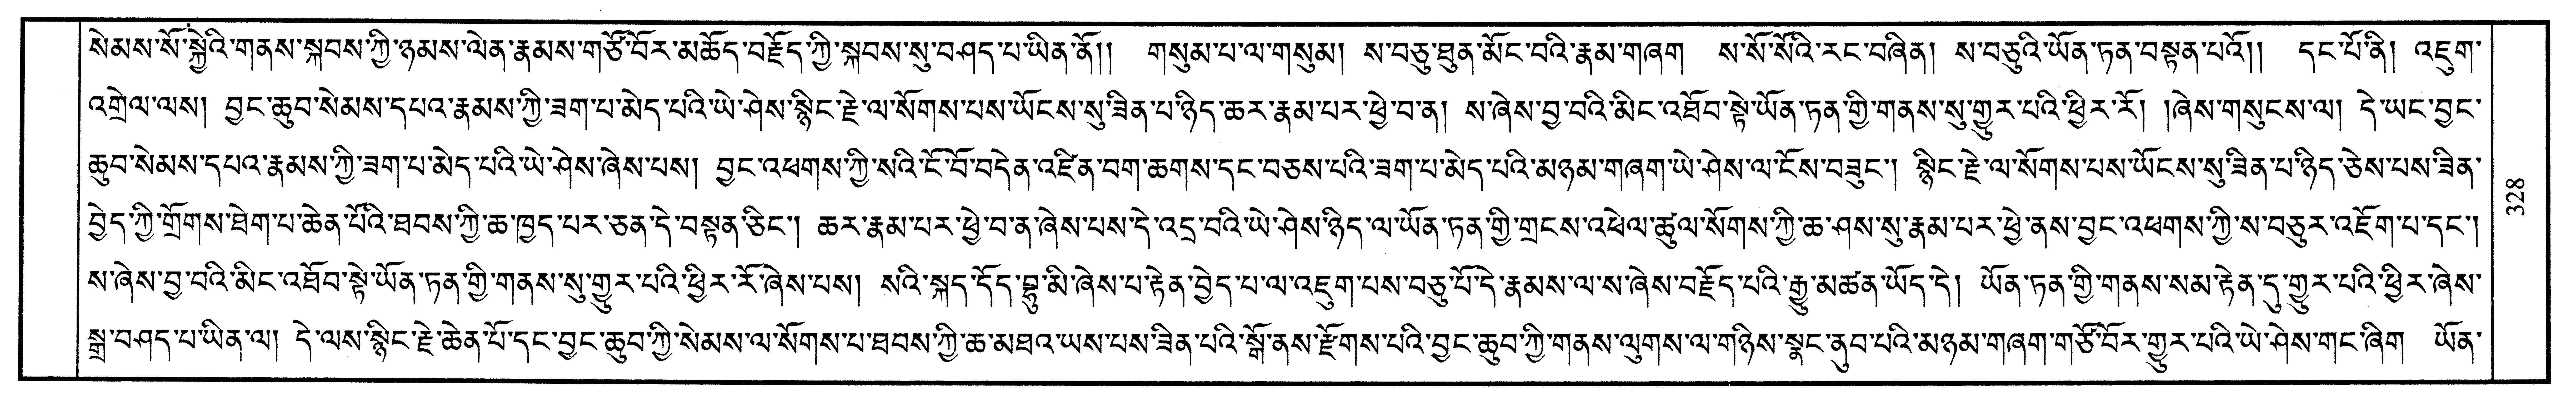སེམས་སོ་སྐྱེའི་གནས་སྐབས་ཀྱི་ཉམས་ལེན་རྣམས་གཙོ་བོར་མཆོད་བརྗོད་ཀྱི་སྐབས་སུ་བཤད་པ་ཡིན་ནོ།། གསུམ་པ་ལ་གསུམ། ས་བཅུ་ཐུན་མོང་བའི་རྣམ་གཞག །ས་སོ་སོའི་རང་བཞིན། ས་བཅུའི་ཡོན་ཏན་བསྟན་པའོ།། དང་པོ་ནི། འཇུག་
འགྲེལ་ལས། བྱང་ཆུབ་སེམས་དཔའ་རྣམས་ཀྱི་ཟག་པ་མེད་པའི་ཡེ་ཤེས་སྙིང་རྗེ་ལ་སོགས་པས་ཡོངས་སུ་ཟིན་པ་ཉིད་ཆར་རྣམ་པར་ཕྱེ་བ་ན། ས་ཞེས་བྱ་བའི་མིང་འཐོབ་སྟེ་ཡོན་ཏན་གྱི་གནས་སུ་གྱུར་པའི་ཕྱིར་རོ། །ཞེས་གསུངས་ལ། དེ་ཡང་བྱང་
ཆུབ་སེམས་དཔའ་རྣམས་ཀྱི་ཟག་པ་མེད་པའི་ཡེ་ཤེས་ཞེས་པས། བྱང་འཕགས་ཀྱི་སའི་ངོ་བོ་བདེན་འཛིན་བག་ཆགས་དང་བཅས་པའི་ཟག་པ་མེད་པའི་མཉམ་གཞག་ཡེ་ཤེས་ལ་ངོས་བཟུང་། སྙིང་རྗེ་ལ་སོགས་པས་ཡོངས་སུ་ཟིན་པ་ཉིད་ཅེས་པས་ཟིན་
བྱེད་ཀྱི་གྲོགས་ཐེག་པ་ཆེན་པོའི་ཐབས་ཀྱི་ཆ་ཁྱད་པར་ཅན་དེ་བསྟན་ཅིང་། ཆར་རྣམ་པར་ཕྱེ་བ་ན་ཞེས་པས་དེ་འདྲ་བའི་ཡེ་ཤེས་ཉིད་ལ་ཡོན་ཏན་གྱི་གྲངས་འཕེལ་ཚུལ་སོགས་ཀྱི་ཆ་ཤས་སུ་རྣམ་པར་ཕྱེ་ནས་བྱང་འཕགས་ཀྱི་ས་བཅུར་འཇོག་པ་དང་།
ས་ཞེས་བྱ་བའི་མིང་འཐོབ་སྟེ་ཡོན་ཏན་གྱི་གནས་སུ་གྱུར་པའི་ཕྱིར་རོ་ཞེས་པས། སའི་སྐད་དོད་བྷུ་མི་ཞེས་པ་རྟེན་བྱེད་པ་ལ་འཇུག་པས་བཅུ་པོ་དེ་རྣམས་ལས་ཞེས་བརྗོད་པའི་རྒྱུ་མཚན་ཡོད་དེ། ཡོན་ཏན་གྱི་གནས་སམ་རྟེན་དུ་གྱུར་པའི་ཕྱིར་ཞེས་
སྒྲ་བཤད་པ་ཡིན་ལ། དེ་ལས་སྙིང་རྗེ་ཆེན་པོ་དང་བྱང་ཆུབ་བྱང་ཆུབ་སོགས་པ་ཐབས་ཀྱི་ཆ་མཐའ་ཡས་པས་ཟིན་པའི་སྒོ་ནས་རྫོགས་པའི་བྱང་ཆུབ་ཀྱི་གནས་ལུགས་ལ་གཉིས་སྣང་ནུབ་པའི་མཉམ་གཞག་གཙོ་བོར་གྱུར་པའི་ཡེ་ཤེས་གང་ཞིག །ཡོ་ཕ༹་